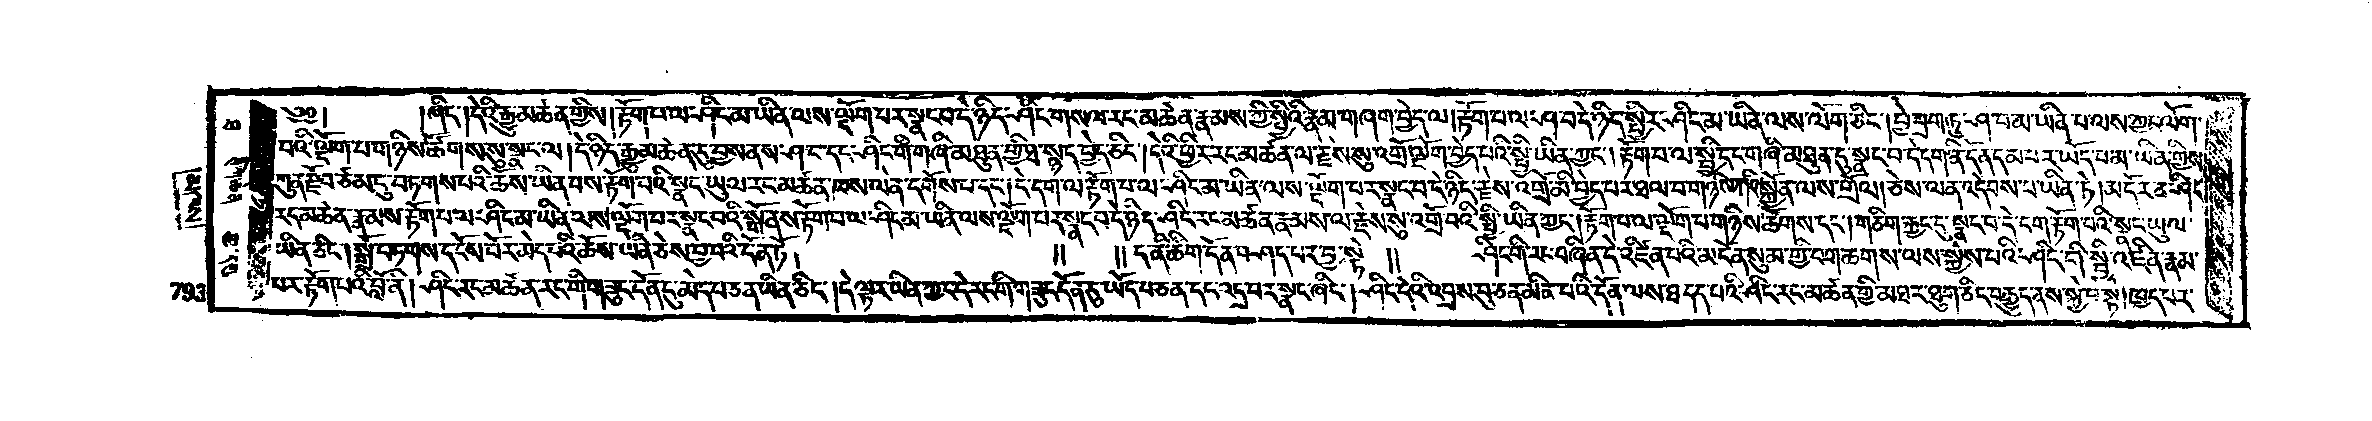༄༅། །ཞིང་། དེའི་རྒྱུ་མཚན་གྱིས། རྟོག་པ་ལ་ཤིང་མ་ཡིན་ལས་ལྡོག་པར་སྣང་བ་དེ་ཉིད་ཤིང་གསལ་རང་མཚན་རྣམས་ཀྱི་སྤྱིའི་རྣམ་གཞག་བྱེད་ལ། རྟོག་པ་ལ་ཤ་བ་དེ་ཉིད་སྤྱིར་ཤིང་མ་ཡིན་ལས་ལོག་ཅིང་། བྱེ་བྲག་ཏུ་ཤ་བ་མ་ཡིན་པ་ལས་ཀྱང་ལོག་
པའི་ལྡོག་པ་གཉིས་ཚོགས་སུ་སྣང་ལ། དེ་ཉིད་རྒྱུ་མཚན་དུ་བྱས་ནས་ཤ་བ་དང་ཤིང་གི་གཞི་མཐུན་གྱི་ཐ་སྙད་བྱེད་ཅིང་། དེའི་ཕྱིར་རང་མཚན་ལ་རྗེས་སུ་འགྲོ་ལྡོག་བྱེད་པའི་སྤྱི་ཡིན་ཀྱང་། རྟོག་པ་ལ་སྤྱི་དང་གཞི་མཐུན་དུ་སྣང་བ་དེ་དག་ནི་དོན་དམ་པར་ཡོད་པ་མ་ཡིན་གྱིས་
ཀུན་རྫོབ་ཙམ་དུ་བཏགས་པའི་ཆོས་ཡིན་པས་རྟོག་པའི་སྣང་ཡུལ་རང་མཚན་ཁས་ལེན་དགོས་པ་དང་། དེ་དག་ལ་རྟོག་པ་ལ་ཤིང་མ་ཡིན་ལས་ལྡོག་པར་སྣང་བ་དེ་ཉིད་རྗེས་འགྲོ་མི་བྱེད་པར་ཐལ་བ་གཉིས་ཀའི་སྐྱོན་ལས་གྲོལ། ཅེས་ལན་འདེབས་པ་ཡིན་ཏེ། མདོར་ན་ཤིང་
རང་མཚན་རྣམས་རྟོག་པ་ལ་ཤིང་མ་ཡིན་ལས་ལྡོག་པར་སྣང་བའི་སྒོ་ནས་རྟོག་པ་ལ་ཤིང་མ་ཡིན་ལས་ལྡོག་པར་སྣང་བ་དེ་ཉིད་ཤིང་རང་མཚན་རྣམས་ལ་རྗེས་སུ་འགྲོ་བའི་སྤྱི་ཡིན་ཀྱང་། རྟོག་པ་ལ་ལྡོག་པ་གཉིས་ཚོགས་དང་། གཅིག་རྐྱང་དུ་སྣང་བ་དེ་དག་རྟོག་པའི་སྣང་ཡུལ་
ཡིན་ཅིང་། སྒྲོ་བཏགས་དངོས་པོར་མེད་པའི་ཆོས་ཡིན་ཅེས་བྱ་བའི་དོན་ཏོ། །། །།ད་ནི་ཚིག་དོན་བཤད་པར་བྱ་སྟེ། །ཤིང་གི་རང་བཞིན་དེ་འཛིན་པའི་མངོན་སུམ་གྱི་བག་ཆགས་ལས་སྐྱེས་པའི་ཤིང་གི་སྤྱི་འཛིན་རྣམ་
པར་རྟོག་པའི་བློ་ནི། ཤིང་རང་མཚན་རང་གི་གཟུང་དོན་དུ་མེད་པ་ཅན་ཡིན་ཅིང་། དེ་ལྟར་ཡིན་ཀྱང་དེ་རང་གི་གཟུང་དོན་དུ་ཡོད་པ་ཅན་དང་འདྲ་བར་སྣང་ཞིང་། ཤིང་དེའི་འབྲས་བུ་ཅན་མིན་པའི་དོན་ལས་ཐ་དད་པའི་ཤིང་རང་མཚན་གྱི་མཐར་ཐུག་ཅིང་བརྒྱུད་ནས་སྐྱེ་བ་སྟེ། ཁྱད་པར་